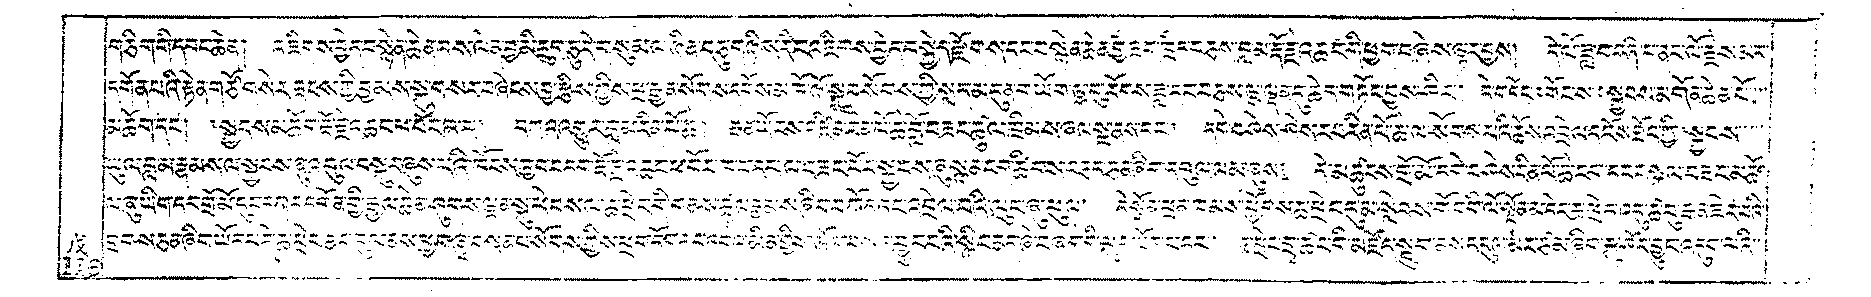གཅིག་གི་དབང་ཆེན། འཇིགས་བྱེད་བསྙེན་ཆེན་ཁས་ལེན་བྱ་མི་དྲུག་ཅུ་རེ་གསུམ་ལ་ཉིན་བཅུ་གཉིས་རིང་འཇིགས་བྱེད་བསྐྱེད་རྫོགས་དང་བསྙེན་ཆེན་གྱི་ཟབ་ཁྲིད་བཅས་བླ་མ་རྡོ་རྗེ་འཆང་གི་ཕྱག་བཞེས་ལྟར་བྱས། དེ་ལོ་ཟླ་བ་བཞི་པ་ནང་ལོ་རྗེས་མར་
དགོན་པའི་རྟེན་གཙོ་གསེར་ཟངས་ཀྱི་བྱམས་སྐུ་གསར་བཞེངས་བྱ་རྩིས་ཀྱིས་ཕྲ་རྒྱན་སོགས་དགོས་མཁོ་ཉོ་སྒྲུབ་སོགས་ཀྱི་སླད་མདུན་གཡོག་ལྷ་བུ་རོགས་ཟླ་དང་བཅས་ལྷ་ལྡན་དུ་ཆེད་གཏོང་བྱས་ཤིང་། དེ་གདོང་༧་གོང་ས་༧་སྐྱབས་མགོན་ཆེན་པོ་
མཆོག་དང་། ༧་སྐྱབས་མཆོག་རྡོ་རྗེ་འཆང་ཕ་བོང་ཁ་པ། བཀའ་འགྱུར་བླ་མ་རིན་པོ་ཆེ། རྒན་ཡོངས་འཛིན་རིན་པོ་ཆེ་བློ་བཟང་ཚུལ་ཁྲིམས་ཞལ་སྔ་ནས་དང་། དགེ་བཤེས་ཤེས་རབ་རིན་པོ་ཆེ་ལ་སོགས་པའི་ཆོས་འབྲེལ་དངོས་ཐོབ་ཀྱི་༧་སྐྱབས་
ཡུལ་བླ་མ་རྣམས་ལ་སྐྱབས་ཞུ་འབུལ་བསྐུར་ཞུས་པའི་ཁོངས་ཁྱབ་བདག་རྡོ་རྗེ་འཆང་ཕ་བོང་ཁ་པ་དཔལ་བཟང་པོར་སྐྱབས་ཞུ་སྙན་ངག་ཚིགས་བཅད་ཅན་ཞིག་འབུལ་ལམ་ཞུས། དེ་མཚུངས་གྲོ་མོ་དགེ་བཤེས་རིན་པོ་ཆེ་ངག་དབང་སྐལ་བཟང་མཆོག་
ལ་ཞུ་ཡིག་དང་གྲོ་མོ་དུང་དཀར་དགོན་གྱི་རྒྱལ་ཆེན་ཤུགས་ལྡན་སྐུ་ཕེབས་ལ་ཆ་ཕྲེང་གི་གནས་ཚུལ་རྣམས་ཞིབ་བཀོད་དང་འབྲེལ་བའི་ལུང་ཞུ་ཕུལ། དེ་སྔོན་ཕྲན་ཁམས་ཕྱོགས་ཆ་ཕྲེང་དུ་མ་སླེབས་གོང་གི་ལོ་སྔོན་མ་དེར་ཆ་ཕྲེང་འབུ་ཚ་བུ་རྒན་ཟེར་བའི་
གྲགས་ཅན་ཞིག་ཡོད་པ་དེ་ཆ་ཕྲེང་ནང་ཁུལ་ནས་ཕྱག་ཞྭ་བསྟན་པ་སོགས་ཀྱིས་ཕྲག་དོག་དང་དགའ་མིན་གྱིས་ལྐོག་བསད་བྱུང་བའི་སྙིང་ནད་ཞེ་བཞག་གི་མུར་ཡོད་པ་དང་། ཆ་ཕྲེང་གྲྭ་ཚང་གི་མཛོད་སྦུག་ནས་དངུལ་མང་ཙམ་ཞིག་རྐུ་ཤོར་བྱུང་འདུག་པའི་